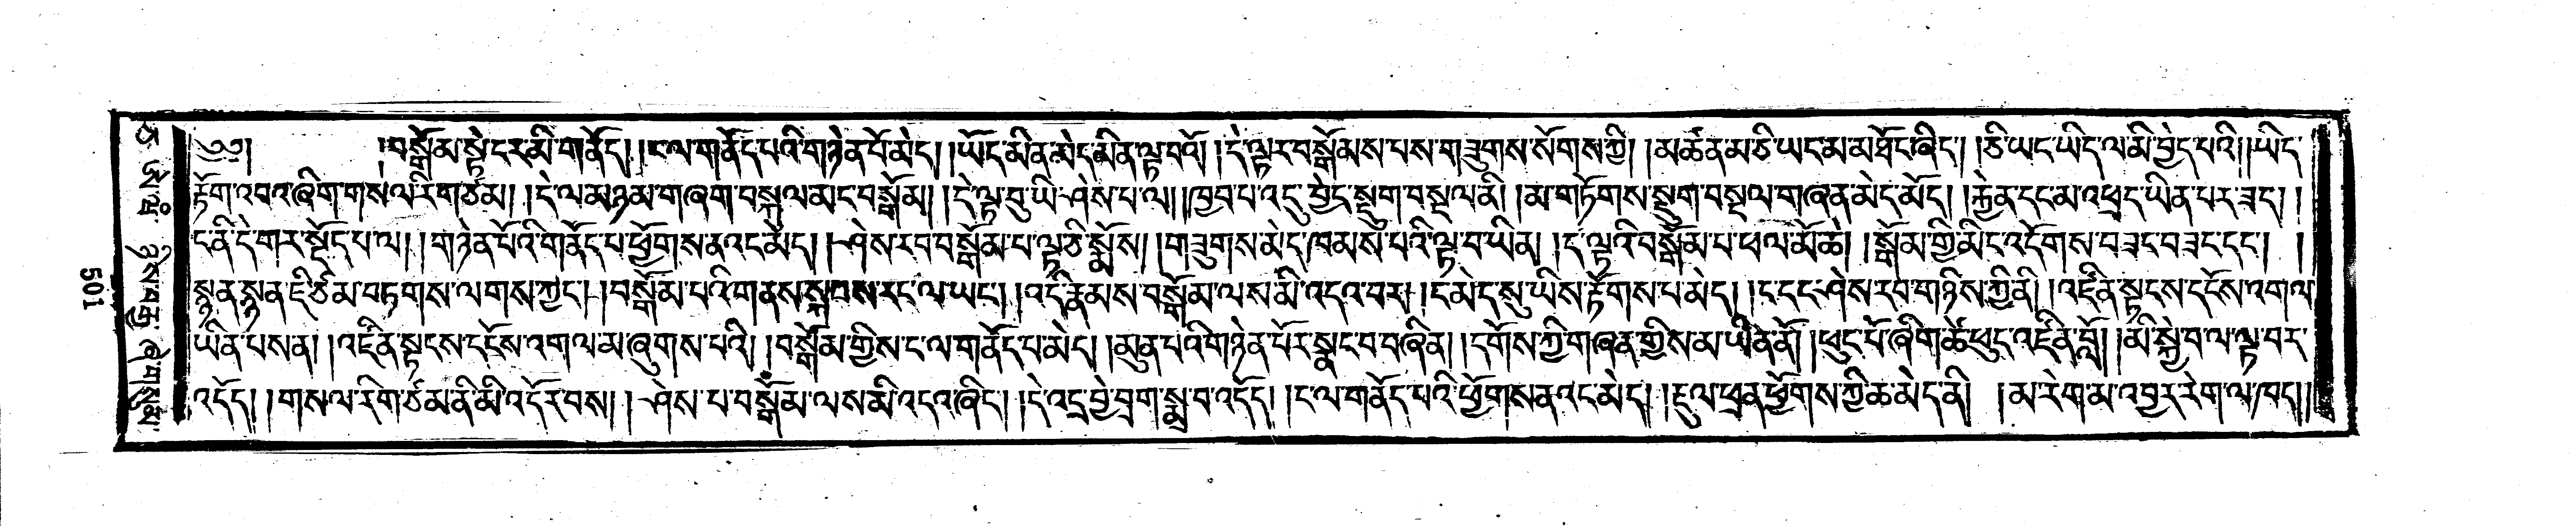༄༅། །བསྒོམ་སྟེ་ངར་མི་གནོད། །ང་ལ་གནོད་པའི་གཉེན་པོ་མེད། །ཡོད་མིན་མེད་མིན་ལྟ་བའོ། །དེ་ལྟར་བསྒོམ་པས་གཟུགས་སོ་ཀྱི། །མཚན་མ་ཅི་ཡང་མ་མཐོང་ཞིང་། །ཅི་ཡང་ཡིད་ལ་མི་བྱེད་པའི། །ཡིད་
རྟོག་འབའ་ཞིག་གསལ་རིག་ཙམ། །དེ་ལ་མཉམ་གཞག་བསྐལ་མེད་བསྒོམ། །དེ་ལྟ་བུ་ཡི་ཤེས་པ་ལ། །ཁྱབ་པ་འདུ་བྱེད་སྡུག་བསྔལ་ནི། །མ་གཏོགས་སྡུག་བསྔལ་གཞན་མེད་མོད། །རྐྱེན་དང་མ་འཕྲད་ཡིན་པར་ཟད། །
ང་ནི་དེ་གར་སྡོད་པ་ལ། །གཉེན་པོའི་གནོད་པ་ཕྱོགས་ནའང་མེད། །ཤེས་རབ་བསྒོམ་པ་ལྟ་ཅི་སྨོས། །གཟུགས་མེད་ཁམས་པའི་ལྟ་བ་ཡིན། །ད་ལྟའི་བསྒོམ་པ་ཕལ་མོ་ཆེ། །སྒོམ་གྱི་མིང་འདོགས་བཟང་བཟང་དང་། །
སྙན་སྙན་ཇི་ཙམ་བཏགས་ལགས་ཀྱང་། །བསྒོམ་པའི་གནས་སྐབས་རང་ལ་ཡང་། །འདི་རྣམས་བསྒོམ་ལས་མི་འདའ་བར། །ང་མེད་སུ་ཡིས་རྟོགས་པ་མེད། །ང་དང་ཤེས་རབ་གཉིས་ཀྱི་ནི། །འཛིན་སྟངས་དངོས་འགལ་
ཡིན་པས་ན། །འཛིན་སྟངས་དངོས་འགལ་མ་ཞུགས་པའི། །བསྒོམ་གྱིས་ང་ལ་གནོད་པ་མེད། །མུན་པའི་གཉེན་པོར་སྣང་བ་བཞིན། །དགོས་ཀྱི་གཞན་གྱིས་མ་ཡིན་ནོ། །ཕུང་པོ་ཞིག་ཚེ་ཕུང་འཛིན་བློ། །མི་སྐྱེ་བ་ལ་ལྟ་བར་
འདོད། །གསལ་རིག་ཙམ་ནི་མི་འདོར་བས། །ཤེས་པ་བསྒོམ་ལས་མི་འདའ་ཞིང་། །དེ་འདྲ་བྱེད་བྲག་སྨྲ་བ་འདོད། །ང་ལ་གནོད་པའི་ཕྱོགས་ནའང་མེད། །རྡུལ་ཕྲན་ཕྱོགས་ཀྱི་ཆ་མེད་ནི། །མ་རེག་མ་འབྱར་རེག་ལ་ཁད།།